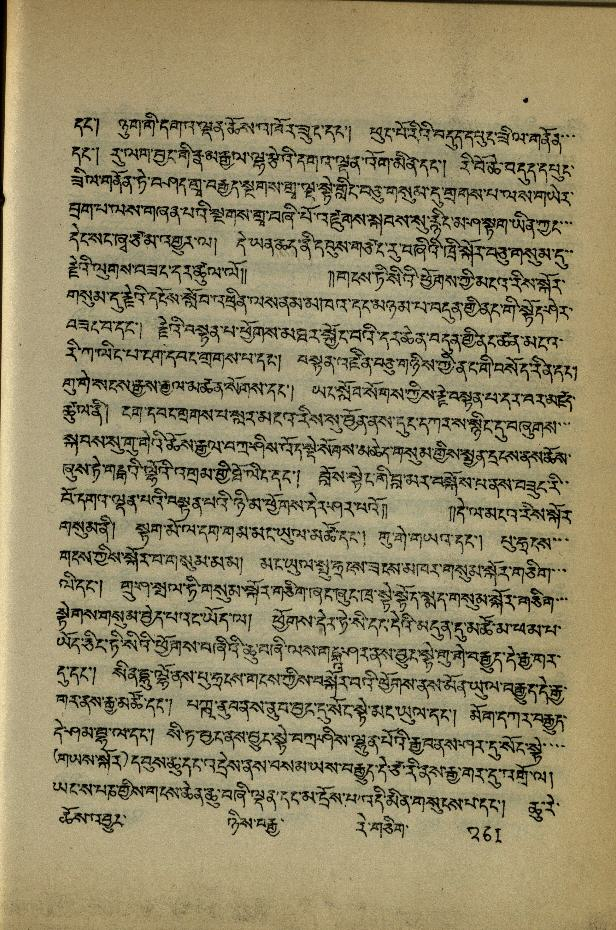དང་། ཉུག་གི་དགའ་ལྡན་ཆོས་འཁོར་ཟུང་དང་། ཕུང་པོའི་བདུད་དཔུང་ཟིལ་གནོན་
དང་། རུ་ལག་བྱང་གི་རྣམ་རྒྱལ་ལྷ་རྩེའི་དགའ་ལྡན་འོག་མིན་དང་། རི་བོ་ཆེ་བདུད་དཔུང་
ཟིལ་གནོན་ཏེ་བཤད་གྲྭ་བརྒྱད་སྔགས་གྲྭ་ལྔ་སྟེ་གླིང་བཅུ་གསུམ་དུ་གྲགས་པ་ལས་གཡེར་
བྲག་པ་ལས་གཞན་པའི་སྔགས་གྲྭ་བཞི་པོ་འཛུགས་སྐབས་སུ་རྙིང་མ་ཤ་སྟག་ཡིན་ཀྱང་
དེང་སང་ཞྭ་ཙམ་འགྱུར་ལ། དེ་ཡན་ཆད་ནི་དབུས་གཙང་རུ་བཞིའི་ཁྲི་སྐོར་བཅུ་གསུམ་དུ་
རྗེའི་ལུགས་བཟང་དར་ཚུལ་ལོ།། །།གངས་ཏི་སིའི་ཕྱོགས་ཀྱི་མངའ་རིས་སྐོར་
གསུམ་དུ་རྗེའི་དངོས་སློབ་འཕྲིན་ལས་ནམ་མཁའ་དང་མཉམ་པ་བདུན་གྱི་ནང་གི་སྟོད་ཤེར་
བཟང་བ་དང་། རྗེའི་བསྟན་པ་ཕྱོགས་མཐར་སྐྱོང་བའི་དར་ཆེན་བདུན་གྱི་ནང་ཚན་མངའ་
རི་ཀ་ལིང་པ་ངག་དབང་གྲགས་པ་དང་། བསྟན་འཛིན་བཅུ་གཉིས་ཀྱི་ནང་གི་བསོད་རིན་དང་།
གུ་གེ་སངས་རྒྱས་རྒྱལ་མཚན་སོགས་དང་། ཡང་སློབ་སོགས་ཀྱིས་རྗེ་བསྟན་པ་དར་བར་མཛད་
ཚུལ་ནི། ངག་དབང་གྲགས་པ་སླར་མངའ་རིས་སུ་བྱོན་ནས་དུང་དཀར་ས་སྙིང་དུ་བཞུགས་
སྐབས་སུ་གུ་གེའི་ཆོས་རྒྱལ་བཀྲ་ཤིས་འོད་སྡེ་སོགས་མཆེད་གསུམ་གྱིས་སྤྱན་དྲངས་ནས་ཆོས་
ཞུས་ཏེ་གངྒའི་ལྷོའི་འགྲམ་གྱི་ཐོ་ལིང་དང་། བློས་སྟེང་གི་བླ་མར་བསྐོས་པ་ནས་བཟུང་རི་
བོ་དགའ་ལྡན་པའི་བསྟན་པའི་ཉི་མ་ཕྱོགས་དེར་ཤར་བའོ།། །།དེ་ལ་མངའ་རིས་སྐོར་
གསུམ་ནི། སྟག་མོ་ལ་དག་གམ་མང་ཡུལ་མཚོ་དང་། གུ་གེ་གཡའ་དང་། པུ་ཧྲངས་
གངས་ཀྱིས་སྐོར་བ་གསུམ་མམ། མང་ཡུལ་སྤུ་ཧྲངས་ཟངས་མཁར་གསུམ་སྐོར་གཅིག་
ལི་དང་། གྲུ་ཤ་སྤལ་ཏི་གསུམ་སྐོར་གཅིག་ཞང་ཞུང་ཁྲ་སྟེ་སྟོད་སྨད་གསུམ་སྐོར་གཅིག་
སྟེགས་གསུམ་བྱེད་པའང་ཡོད་ལ། ཕྱོགས་དེར་ཏེ་སི་དང་དེའི་མདུན་དུ་མཚོ་མ་ཕམ་པ་
ཡོད་ཅིང་ཏི་སིའི་ཕྱོགས་བཞིའི་ཆུ་བཞི་ལས་གངྒཱ་ཤར་ནས་བྱུང་སྟེ་གུ་གེ་བརྒྱུད་དེ་རྒྱ་གར་
དུ་དང་། སིན་དྷུ་ལྷོ་ནས་པུ་ཧྲངས་གངས་ཀྱིས་བསྐོར་བའི་ཕྱོགས་ནས་མོན་ཡུལ་བརྒྱུད་དེ་རྒྱ་
གར་ནས་རྒྱ་མཚོ་དང་། པཀྵ་ནུབ་ནས་ནུབ་བྱང་དུ་སོང་སྟེ་མང་ཡུལ་དང་། མོག་དཀར་བརྒྱུད་
དེ་ཤམ་བྷ་ལ་དང་། སི་ཏ་བྱང་ནས་བྱུང་སྟེ་བཀྲ་ཤིས་ལྷུན་པོའི་རྒྱབ་ནས་ཤར་དུ་སོང་སྟེ་
གཡས་སྐོར་དབུས་ཆུ་དང་འདྲེས་ནས་བསམ་ཡས་བརྒྱུད་དེ་ཙ་རི་ནས་རྒྱ་གར་དུ་འགྲོ་ལ།
ཡང་ས་པཎ་གྱིས་གངས་ཆེན་ཆུ་བཞི་ལྡན་དང་མ་དྲོས་པ་འདི་མིན་གསུངས་པ་དང་། ཆུ་རེ་